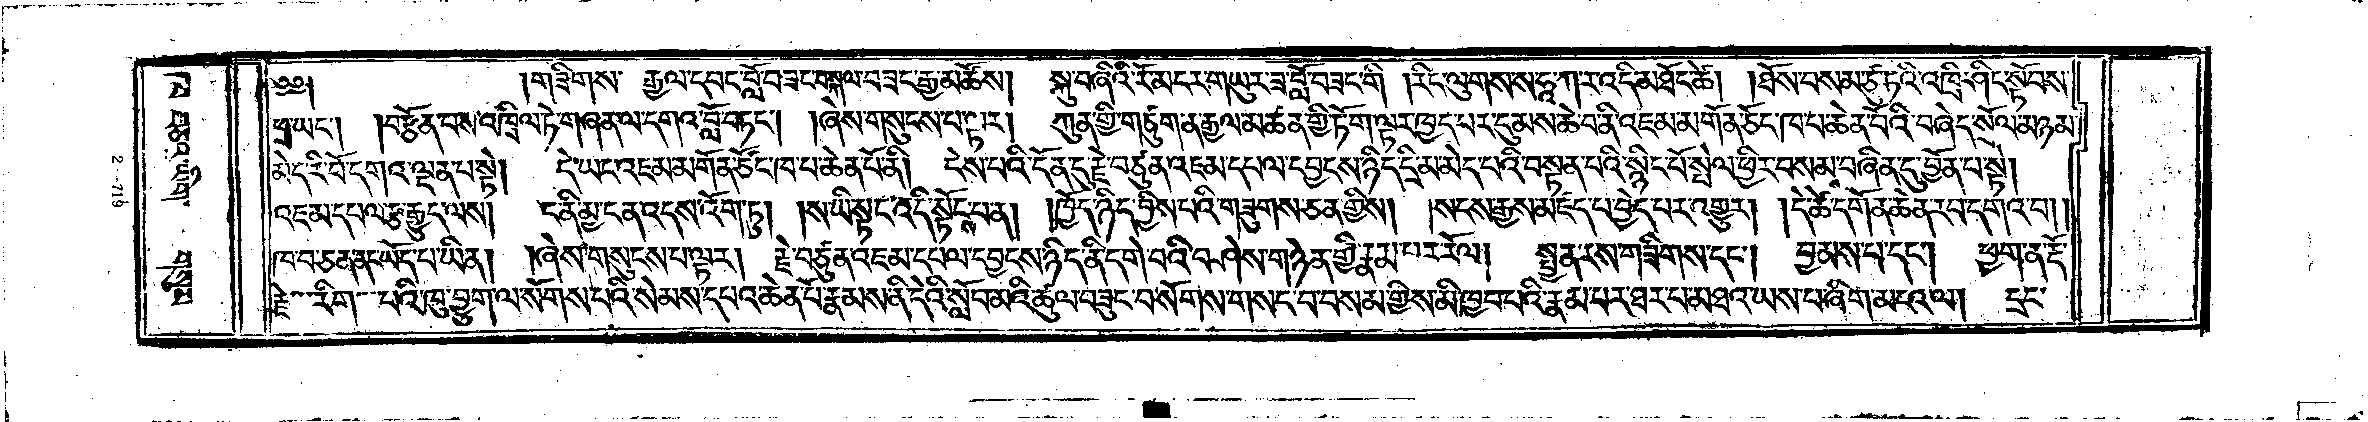༄༅། །གཟིགས་རྒྱལ་དབང་བློ་བཟང་བསྐལ་བཟང་རྒྱ་མཚོས། སྐུ་བཞིའི་རོ་མངར་གཡུར་ཟ་བློ་བཟང་གི །རིང་ལུགས་ས་ཧཱ་ཀ་ར་འདི་མཐོང་ཚེ། །ཐོས་བསམ་ཙུ་ཏའི་འཁྲི་ཤིང་སྟོབས་
ཕྲ་ཡང་། །བརྩོན་པས་འཁྲིལ་ཏེ་གཞན་ལ་དགའ་བློ་བཏང་། །ཞེས་གསུངས་པ་ལྟར། ཀུན་གྱི་གཙུག་ན་རྒྱལ་མཚན་གྱི་ཏོག་ལྟར་ཁྱད་པར་དུ་མས་ཆེ་བ་ནི་འཇམ་མགོན་ཙོང་ཁ་པ་ཆེན་པོའི་བཞེད་སོལ་མཉམ་
མེད་རི་བོ་དགའ་ལྡན་པ་སྟེ། དེ་ཡང་འཇམ་མགོན་ཙོང་ཁ་པ་ཆེན་པོ་ནི། ངེས་པའི་དོན་དུ་རྗེ་བཙུན་འཇམ་དཔལ་དབྱངས་ཉིད་དྲི་མ་མེད་པའི་བསྟན་པའི་སྙིང་པོ་སྤེལ་ཕྱིར་བསམ་བཞིན་དུ་བྱོན་པ་སྟེ།
འཇམ་དཔལ་རྩ་རྒྱུད་ལས། ང་ནི་མྱ་ངན་འདས་འོག་ཏུ། །ས་ཡི་སྟང་འདི་སྟོངས་པ་ན། །ཁྱོད་ཉིད་བྱིས་པའི་གཟུགས་ཅན་གྱིས། །སངས་རྒྱས་མཛད་པ་བྱེད་པར་འགྱུར། །དེ་ཚེ་དགོན་ཆེན་རབ་དགའ་བ། །
ཁ་བ་ཅན་ནང་ཡོད་པ་ཡིན། །ཞེས་གསུངས་པ་ལྟར། རྗེ་བཙུན་འཇམ་དཔལ་དབྱངས་ཉིད་ནི་དགེ་བའི་བཤེས་གཉེན་གྱི་རྣམ་པར་རོལ། སྤྱན་རས་གཟིགས་དང་། བྱམས་པ་དང་། ཕྱག་ན་རྡོ་
རྗེ་རིག་པའི་ཁུ་བྱུག་ལ་སོགས་པའི་སེམས་དཔའ་ཆེན་པོ་རྣམས་ནི་དེའི་སློབ་མའི་ཚུལ་བཟུང་བ་སོགས་གསང་བ་བསམ་གྱིས་མི་ཁྱབ་པའི་རྣམ་པར་ཐར་པ་མཐའ་ཡས་པ་ཞིག་མངའ་ལ། དྲང་